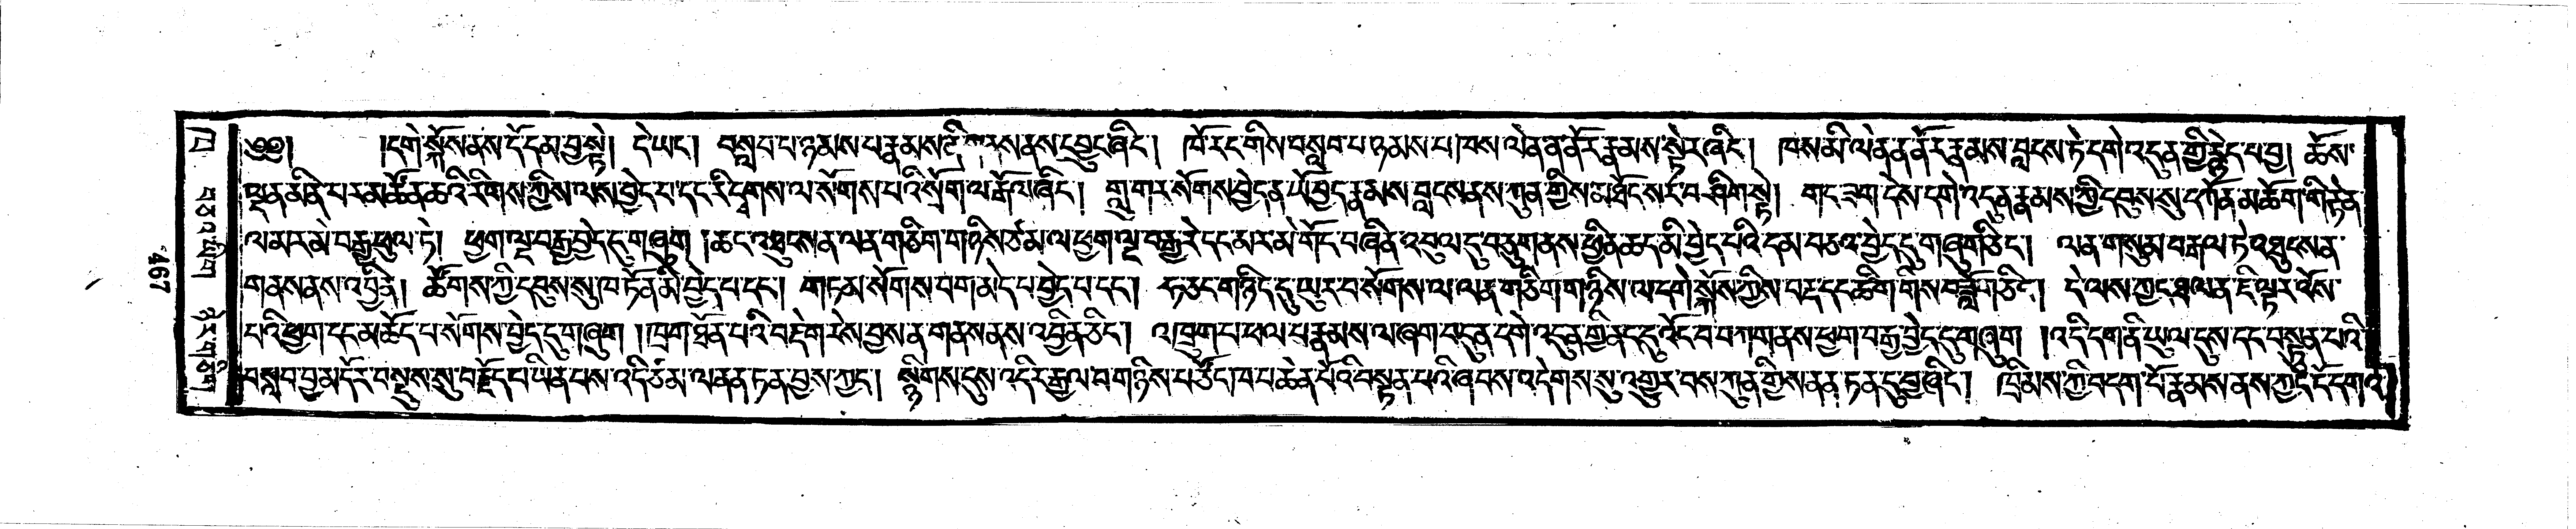༄༅། །དགེ་སྐོས་ནས་དོ་དམ་བྱ་སྟེ། དེ་ཡང་། བསླབ་པ་ཉམས་པ་རྣམས་ནི་གནས་ནས་དབྱུང་ཞིང་། ཁོ་རང་གིས་བསླབ་པ་ཉམས་པ་ཁས་ལེན་ན་ནོར་རྣམས་སྟེར་ཞིང་། ཁས་མི་ལེན་ན་ནོར་རྣམས་བླངས་ཏེ་དགེ་འདུན་གྱི་རྙེད་པ་བྱ། ཆོས་
ལྡན་མིན་པར་མཚོན་ཆའི་རིགས་ཀྱིས་ལས་བྱེད་པ་དང་རི་དྭགས་ལ་སོགས་པའི་སྲོག་ལ་རྒོལ་ཞིང་། གླུ་གར་སོགས་བྱེད་ན་ཡོ་བྱད་རྣམས་བླངས་ནས་ཀུན་གྱིས་མཐོང་སར་བཤིག་སྟེ། གང་ཟག་དེས་དགེ་འདུན་རྣམས་ཀྱི་དབུས་སུ་དཀོན་མཆོག་གི་རྟེན་
ལ་མར་མེ་བརྒྱ་ཕུལ་ཏེ། ཕྱག་ལྔ་བརྒྱ་བྱེད་དུ་གཞུག །ཆང་འཐུངས་ན་ལན་གཅིག་གཉིས་ཙམ་ལ་ཕྱག་ལྔ་བརྒྱ་རེ་དང་མར་མེ་གོང་བཞིན་འབུལ་དུ་བཅུག་ནས་ཕྱིན་ཆད་མི་བྱེད་པའི་དམ་བཅའ་བྱེད་དུ་གཞུག་ཅིང་། ལན་གསུམ་བརྒལ་ཏེ་འཐུངས་ན་
གནས་ནས་འབྱིན། ཚོགས་ཀྱི་དབུས་སུ་ཁ་ཏོན་མི་བྱེད་པ་དང་། གཏམ་སོགས་བག་མེད་པ་བྱེད་པ་དང་། ཧ་ཅང་གཉིད་དུ་ཡུར་བ་སོགས་ལ་ལན་གཅིག་གཉིས་ལ་དགེ་སྐོས་ཀྱིས་བརྡ་དང་ཚིག་གིས་བཟློག་ཅིང་། དེ་ལས་ཀྱང་ཐལ་ན་ཇི་ལྟར་འོས་
པའི་ཕྱག་དང་མཆོད་པ་སོགས་བྱེད་དུ་གཞུག །ཁྲག་ཐོན་པའི་བརྡེག་རེས་བྱས་ན་གནས་ནས་འབྱིན་ཅིང་། འཁྲུག་པ་ཕལ་པ་རྣམས་ལ་ཞག་བདུན་དགེ་འདུན་གྱི་ནང་དུ་འོང་བ་བཀག་ནས་ཕྱག་བརྒྱ་བྱེད་དུ་གཞུག །འདི་དག་ནི་ཡུལ་དུས་དང་བསྟུན་པའི་
བསླབ་བྱ་མདོར་བསྡུས་སུ་བརྗོད་པ་ཡིན་པས་འདི་ཙམ་ལ་ནན་ཏན་བྱས་ཀྱང་། སྙིགས་དུས་འདིར་རྒྱལ་བ་གཉིས་པ་ཙོང་ཁ་པ་ཆེན་པོའི་བསྟན་པའི་ཞབས་འདེབས་སུ་འགྱུར་བས་ཀུན་གྱིས་ནན་ཏན་དུ་བྱ་ཞིང་། ཁྲིམས་ཀྱི་བདག་པོ་རྣམས་ནས་ཀྱང་དོ་དགའ་